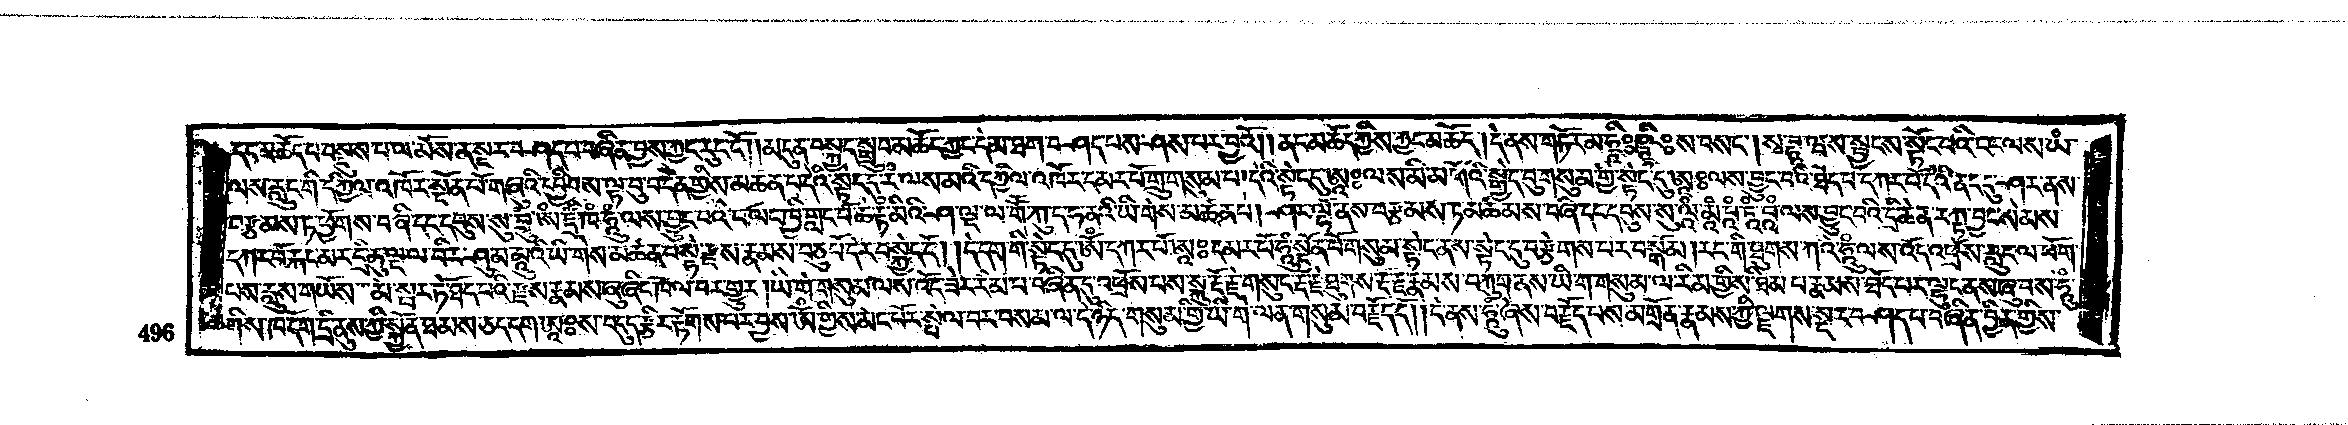དང་མཆོད་པ་བསྡུས་པ་ལ་མོས་ན་སྔར་བཤད་པ་བཞིན་བྱས་ཀྱང་རུང་ངོ། །མདུན་བསྐྱེད་སྒྲུབ་མཆོད་ཀྱང་དེ་མ་ཐག་བཤད་པས་ཤེས་པར་བྱའོ། །ནང་མཆོད་ཀྱིས་ཀྱང་མཆོད། དེ་ནས་གཏོར་མ་ཧྲཱིཿ ཥྚཱིཿ ས་བསང་། སྭ་བྷཱ་ཝས་སྦྱངས་སྟོང་པའི་ངང་ལས་ཡཾ་
ལས་རླུང་གི་དཀྱིལ་འཁོར་སྔོན་པོ་གཞུའི་དབྱིབས་ལྟ་བུ་བ་དན་གྱིས་མཚན་པ་དེའི་སྟེང་དུ་རཾ་ལས་མའི་དཀྱིལ་འཁོར་དམར་པོ་གྲུ་གསུམ་པ། དེའི་སྟེང་དུ་ཨཱཿ ལས་མི་མགོའི་སྒྱེད་བུ་གསུམ་གྱི་སྟེང་དུ་ཨཱཿ ལས་བྱུང་བའི་ཐོད་པ་དཀར་པོ་དེའི་ནང་དུ་ཤར་ནས་
བརྩམས་ཏ་ཕྱོགས་བཞི་དང་དབུས་སུ་བྲུཾ་ཨཾ་ཛྲི་ཁཾ་ཧཱུཾ་ལས་བྱུང་བའི་བ་ལང་ཁྱི་གླང་པོ་ཆེ་རྟ་མིའི་ཤ་ལྔ་ལ་གཽ་ཀུ་ད་ཧ་ནའི་ཡི་གེས་མཚན་པ། ཤར་ལྷོ་ནས་བརྩམས་ཏ་མཚམས་བཞི་དང་དབུས་སུ་ལཱཾ་མཱཾ་པཱཾ་ཏཱཾ་བཱཾ་ལས་བྱུང་བའི་དྲི་ཆེན་རཀྟ་བྱང་སེམས་
དཀར་པོ་རྐང་མར་དྲི་ཆུ་ལྔ་ལ་བཾ་ར་ཤུ་མ་མཱུའི་ཡི་གེས་མཚན་པ་སྟེ་རྫས་རྣམས་བཅུ་པོ་དེར་བསྐྱེད་དོ། །དེ་དག་གི་སྟེང་དུ་ཨོཾ་དཀར་པོ་ཨཱཿ དམར་པོ་ཧཱུཾ་སྔོན་པོ་གསུམ་སྟེང་ནས་སྟེང་དུ་བརྩེགས་པར་བསྒོམ། རང་གི་ཐུགས་ཀའི་ཧཱུཾ་ལས་འོད་འཕྲོས་རླུང་ལ་ཕོག་
པས་རླུས་གཡོས་མེ་སྦར་ཏེ་ཐོད་པའི་རྫས་རྣམས་ཞུ་ཞིང་ཁོལ་བར་གྱུར། ཡི་གེ་གསུམ་ལས་འོད་ཟེར་རིམ་པ་བཞིན་དུ་འཕྲོས་པས་སྐུ་རྡོ་རྗེ་གསུང་རྡོ་རྗེ་ཐུགས་རྡོ་རྗེ་རྣམས་བཀུག་ནས་ཡི་གེ་གསུམ་ལ་རིམ་གྱིས་ཐིམ་པ་རྣམས་ཐོད་པར་ལྷུང་ནས་ཞུ་བས་ཧཱུཾ་
གིས་ཁ་དོག་དྲི་ནུས་ཀྱི་སྐྱོན་ཐམས་ཅད་དག་ཨཱཿ ས་བདུད་རྩིར་རྟོགས་པར་བྱས་ཨོཾ་གྱིས་མང་པོར་སྤེལ་བར་བསམ་ལ་དེ་ཉིད་གསུམ་གྱི་ཡི་གེ་ལན་གསུམ་བརྗོད་དོ། །དེ་ནས་ཧཱུཾ་ཞེས་བརྗོད་པས་མགྲོན་རྣམས་ཀྱི་ལྗགས་སྔར་བཤད་པ་བཞིན་བྱིན་གྱིས་